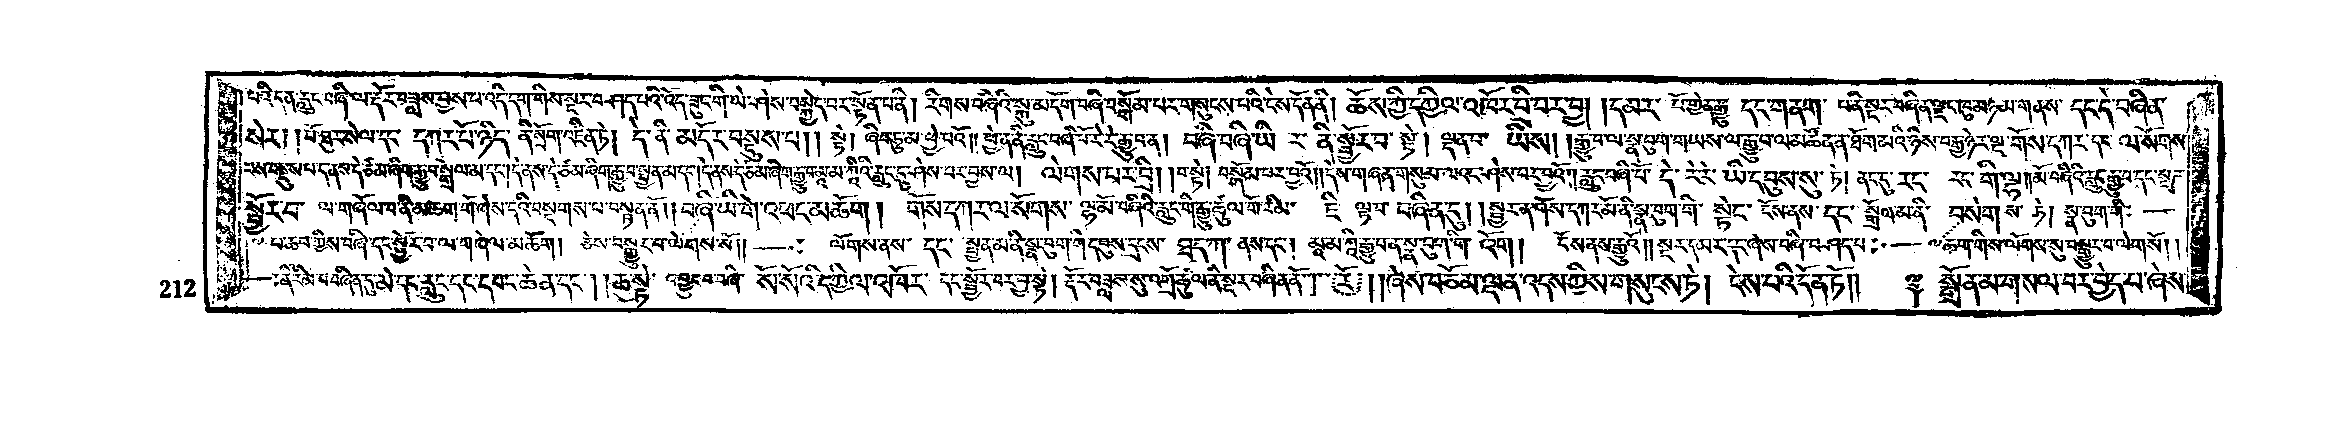པའི་དོན་རླུང་བཞི་ལ་རྡོར་བཟླས་བྱས་པ་འདི་དག་གིས་སྔར་བཤད་པའི་འོད་ཟུང་གི་ཡེ་ཤེས་བསྐྱེད་པར་སྟོན་པ་ནི། རིགས་བཞིའི་སྐུ་མདོག་བཞི་བསྒོམ་པར་གསུངས་པའི་ངེས་དོན་ནི། ཆོས་ཀྱི་དཀྱིལ་འཁོར་བྲི་བར་བྱ། །དམར་པོ་གྱེན་རྒྱུ་དང་གནག་པ་ནི་སྔར་བཞིན་ལྗང་ཁུ་མཉམ་གནས་དང་དེ་བཞིན་
སེ་ར། །སོ་ཐུར་སེལ་དང་དཀར་པོ་ཉིད་ནི་སྲོག་འཛིན་ཏེ།  དེ་ནི་མདོར་བསྡུས་པ། ། སྟེ། ཞིབ་ཏུ་མ་ཕྱེ་བའོ། །ཕྱེ་ན་ནི་རླུང་བཞི་པོ་རེ་རེ་རྒྱུ་བ་ན།  བཞི་བཞི་ཡིར་ནི་སྦྱོར་བ་སྟེ། ལྡན་པ་ཡིས། །རྒྱུ་བ་ལ་སྣ་བུག་གཡས་ལ་རྒྱུ་བ་ལ་མཚོན་ན་ཐོག་མའི་ཉིས་བརྒྱ་ཉེར་ལྔ་གོས་དཀར་དང་ལ་སོགས་
བས་བསྡུས་པ་དེ་ནས་དེ་ཙམ་ཞིག་རྒྱུ་བ་སྒྲོལ་མ་དང་། དེ་ནས་དེ་ཙམ་ཞིག་རྒྱུ་བ་སྤྱན་མ་དང་། དེ་ནས་དེ་ཙམ་ཞིག་རྒྱུ་བ་མཱ་མ་ཀཱིའི་རླུང་དུ་ཤེས་པར་བྱས་ལ། ལེགས་པར་བྲི། །བ་སྟེ། བསྒོམ་པར་བྱའོ། །དེས་གཞན་གསུམ་ལའང་ཤེས་པར་བྱའོ། །རླུང་བཞི་པོ་དེ་རེ་རེ་ཡི་དབུས་སུ་ཏེ། ནང་དུ་རང་རང་གི་ལྷ། །མོ་བཞིའི་རླུང་རྒྱུ་བ་དང་སྔགས
སྦྱོར་བ་ལ་གཞོལ་བ་ནི་མཆོག་གོ་ཞེས་དེའི་བསྔགས་པ་བསྟན་ནོ།  །བཞི་ཡི་གེ་འཕང་མཆོག ། གོས་དཀར་ལ་སོགས་ལྷ་མོ་བཞིའི་རླུང་གི་རྒྱུ་ཚུལ་གོ་རིམ་ཇི་ལྟ་བ་བཞིན་དུ། །སྦྱར་ན་གོས་དཀར་མོ་ནི་སྣ་བུག་གི་སྟེང་ངོས་ནས་དང་སྒྲོལ་མ་ནི་བསེགས་ཏེ། སྣ་བུག་གི་
༧པ་ཚབ་ཀྱིས་བཞི་དང་སྦྱོར་བ་ལ་གཞོལ་མཆོག །ཅེས་བསྒྱུར་བ་ལེགས་སོ།། ལོགས་ནས་དང་སྤྱན་མ་ནི་སྣ་བུག་གི་དབུས་དྲངས་ཐད་ཀ་ནས་དང་། མཱ་མ་ཀཱི་རྒྱུ་བ་ན་སྣ་བུག་གི་འོག །ངོས་ནས་རྒྱུའོ། །སྔར་དམར་དང་ཞེས་བཞི་བཤད་པ་༧ཆག་གིས་ལོགས་སུ་བསྒྱུར་བ་ལེགས་སོ།།
ནི་རིམ་པ་བཞིན་དུ་མེ་དང་རླུང་དང་དབང་ཆེན་དང་། །ཆུ་སྟེ་འབྱུང་བ་བཞི་སོ་སོའི་དཀྱིལ་འཁོར་དང་སྦྱོར་བར་བྱ་སྟེ། རྡོར་བཟླས་སུ་འགྲོ་ཚུལ་ནི་སྔར་བཞིན་ནོ།  རོ། །ཞེས་བཅོམ་ལྡན་འདས་ཀྱིས་གསུངས་ཏེ། ངེས་པའི་དོན་ཏོ།། ༈ སྒྲོན་མ་གསལ་བར་བྱེད་པ་ཞེས་